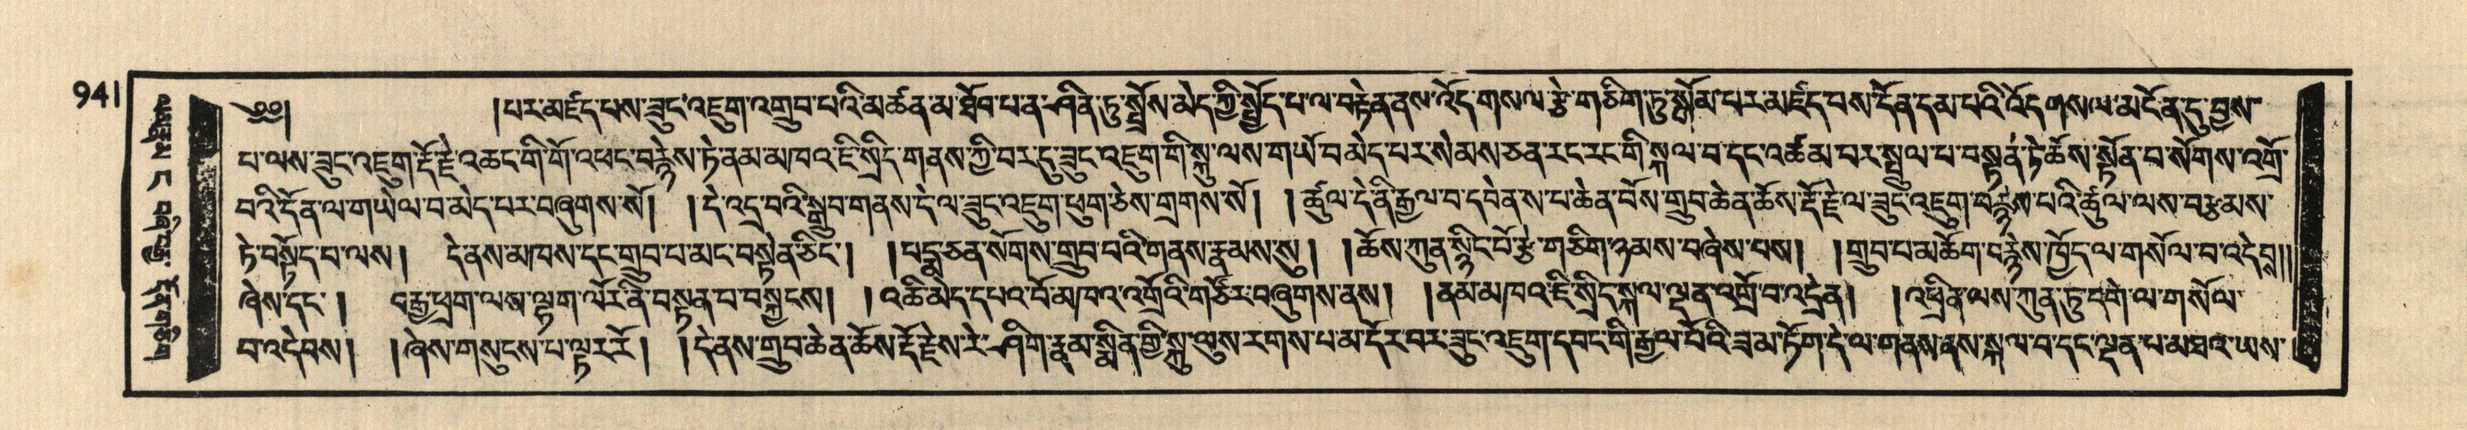༄༅། །པར་མཛད་པས་ཟུང་འཇུག་འགྲུབ་པའི་མཚན་མ་ཐོབ་པ་ན་ཤིན་ཏུ་སྤྲོས་མེད་ཀྱི་སྤྱོད་པ་ལ་བརྟེན་ནས་འོད་གསལ་རྩེ་གཅིག་ཏུ་སྒོམ་པར་མཛད་བས་དོན་དམ་པའི་འོད་གསལ་མངོན་དུ་བྱས་
པ་ལས་ཟུང་འཇུག་རྡོ་རྗེ་འཆང་གི་གོ་འཕང་བརྙེས་ཏེ་ནམ་མཁའ་ཇི་སྲིད་གནས་ཀྱི་བར་དུ་ཟུང་འཇུག་གི་སྐུ་ལས་གཡོ་བ་མེད་པར་སེམས་ཅན་རང་རང་གི་སྐལ་བ་དང་འཚམ་པར་སྤྲུལ་པ་བསྟན་ཏེ་ཆོས་སྟོན་པ་སོགས་འགྲོ་
བའི་དོན་ལ་གཡེལ་བ་མེད་པར་བཞུགས་སོ། །དེ་འདྲ་བའི་སྒྲུབ་གནས་དེ་ལ་ཟུང་འཇུག་ཕུག་ཅེས་གྲགས་སོ། །ཚུལ་དེ་ནི་རྒྱལ་བ་དབེན་ས་པ་ཆེན་བོས་གྲུབ་ཆེན་ཆོས་རྡོ་རྗེ་ལ་ཟུང་འཇུག་བརྙེས་པའི་ཚུལ་ལས་བརྩམས་
ཏེ་བསྟོད་པ་ལས། དེ་ནས་མཁས་དང་གྲུབ་པ་མང་བསྟེན་ཅིང་། །པདམ་ཅན་སོགས་གྲུབ་པའི་གནས་རྣམས་སུ། །ཆོས་ཀུན་སྙིང་པོ་རྩེ་གཅིག་ཉམས་བཞེས་པས། །གྲུབ་པ་མཆོག་བརྙེས་ཁྱོད་ལ་གསོལ་བ་འདེབས།།
ཞེས་དང་། བརྒྱ་ཕྲག་ལས་ལྷག་ལོར་ནི་བསྟན་པ་བསྐྱངས། །འཆི་མེད་དཔའ་བོ་མཁའ་འགྲོའི་གཙོར་བཞུགས་ནས། །ནམ་མཁའ་ཇི་སྲིད་སྐལ་ལྡན་འགྲོ་བ་འདྲེན། །འཕྲིན་ལས་ཀུན་ཏུ་དགེ་ལ་གསོལ་
བ་འདེབས། །ཞེས་གསུངས་པ་ལྟར་རོ། །དེ་ནས་གྲུབ་ཆེན་ཆོས་རྡོ་རྗེས་རེ་ཤིག་རྣམ་སྨིན་གྱི་སྐུ་ལུས་རགས་པ་མ་དོར་བར་ཟུང་འཇུག་དབང་གི་རྒྱལ་པོའི་ཟ་མ་ཏོག་དེ་ལ་གནས་ནས་སྐལ་བ་དང་ལྡན་པ་མཐའ་ཡས་